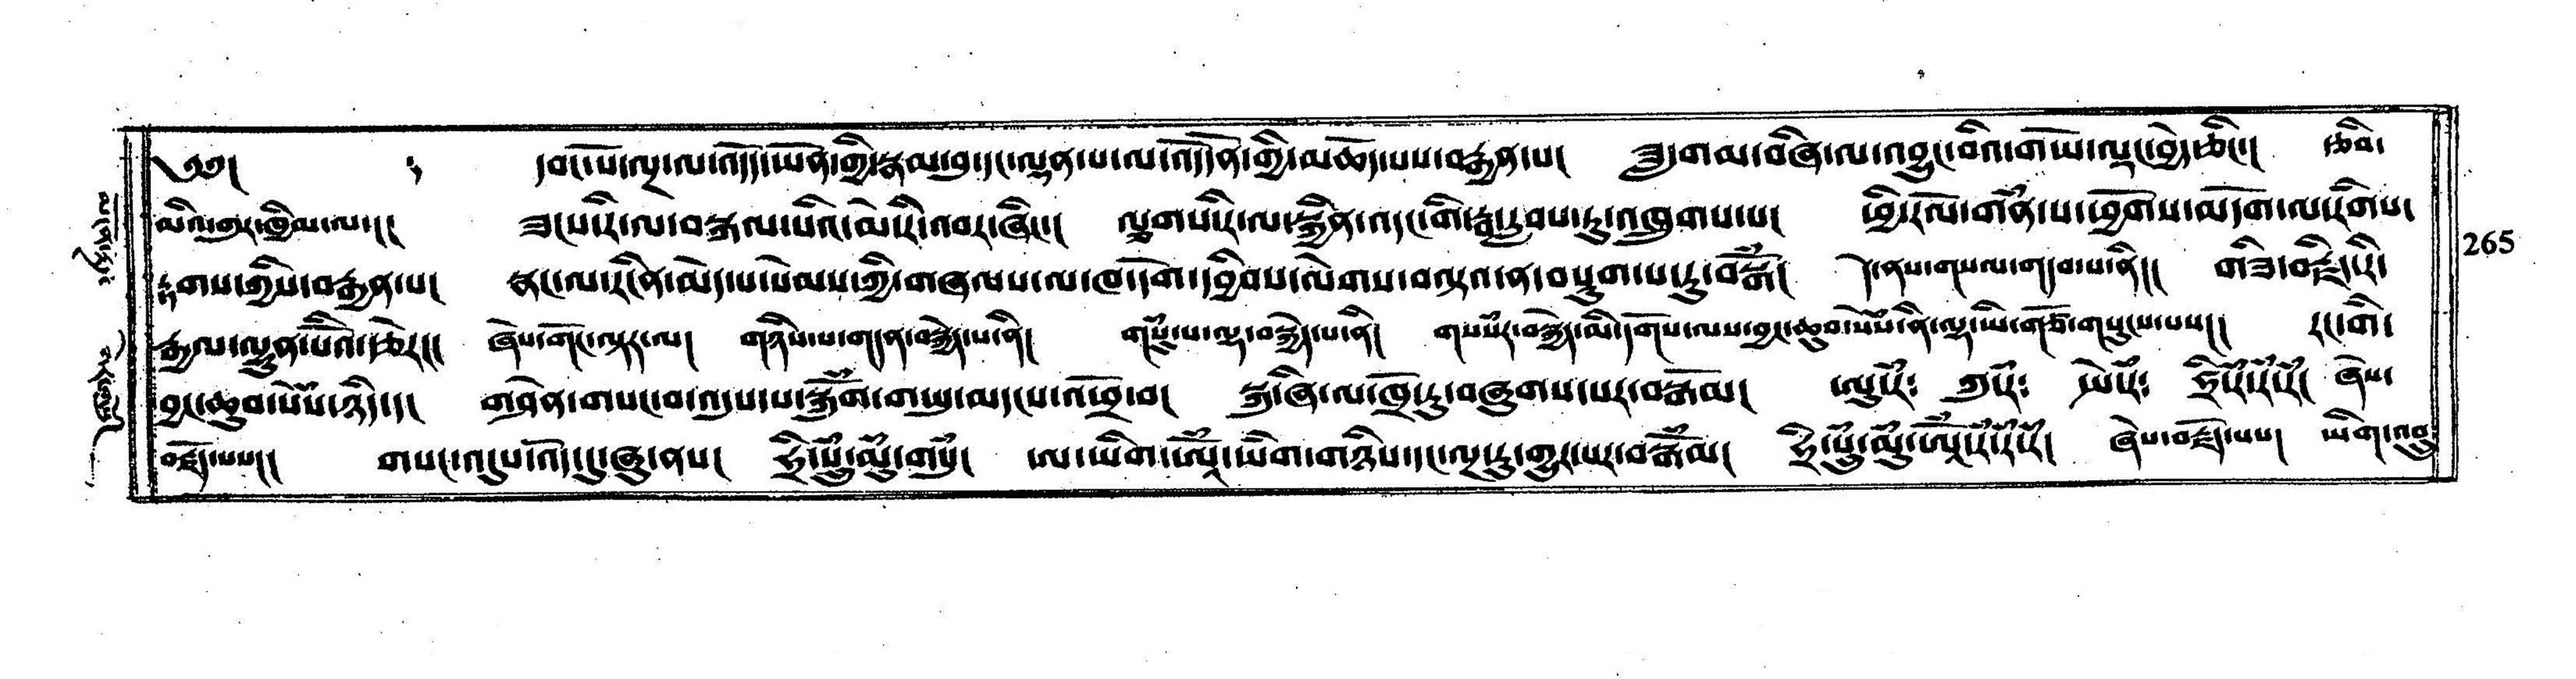དབང་པོ་ལྔ་ལ་འདོད་ཡོན་གྱི་སྣམ་བུ་དང་ལྡན་པ་ལ་འདོད་ཡོན་གྱི་མཆོད་པས་བརྒྱན་པ། ཟླ་གམ་བཞི་ལ་འབྱུང་བའི་གཡོ་ལྡང་བྱེད་ཅིང་། རྩིབ་
མའི་གུར་ཁྱིམ་ལ།། ཟངས་རི་ལ་བསྐལ་པའི་མེ་རི་འབར་ཞིང་། ལྕགས་རི་ལ་སྐྱིན་འདང་གི་རྦ་རླབས་ཏུ་འཁྲུགས་པ། ཕྱི་རོལ་གནམ་ས་ཕྱོགས་མདོག་ལ་རིགས་
རྟགས་ཀྱིས་བརྒྱན་པ། སྣང་ལ་རང་བཞིན་མེད་པ་སེམས་ཀྱི་གཞལ་ཡས་ལ་ཁ་དོག་དབྱིབས་ལེགས་བལྟ་ན་སྡུག་པ་རུ་བསྒོམ། དེ་ནས་གསལ་གདབ་པ་ནི།། གཟི་བརྗིད་རི་
རྒྱལ་ལྷུན་པོའི་རྩེར། ཞེས་གོང་ལྟར་ལ། གཉིས་པ་གདན་བསྐྱེད་པ་ནི། གསུམ་པ་ལྷ་བསྐྱེད་པ་ནི། གསས་མཁར་བསྐྱེད་མི་དགོས་ལས་བྱང་ཆུབ་སེམས་ནི་ལྷ་ཡི་གཙོ་གསུངས་པས།། རང་གི་
བྱང་ཆུབ་སེམས་ཉིད་དང་། གཤེན་གསང་བ་འདུས་པ་སྐུ་མདོག་གཡུ་མདངས་འཕྲོ་བ། སྐུ་ཞི་ལ་ཁྲོ་རུ་བཞུགས་པར་བསྒོམ། ཨུ་རཾ༴ ཀུ་རཾ༴ སྤེ་རཾ༴ ཧྲི་རཾ་རཾ་རཾ། ཞེས་
བརྗོད་པས།། གསང་འདུས་འོད་དུ་ཞུ་ནས། ཧྲི་སྲུཾ་མུཾ་གསུམ། ཨ་ཡིག་ཨཱོཾ་ཡིག་གཉིས་དང་ལྔ་རུ་གྱུར་པར་བསྒོམ། ཧྲི་སྲུཾ་མུཾ་ཨཱོཾ་རཾ་རཾ་རཾ། ཞེས་བརྗོད་པས། ཡིག་འབྲུ་